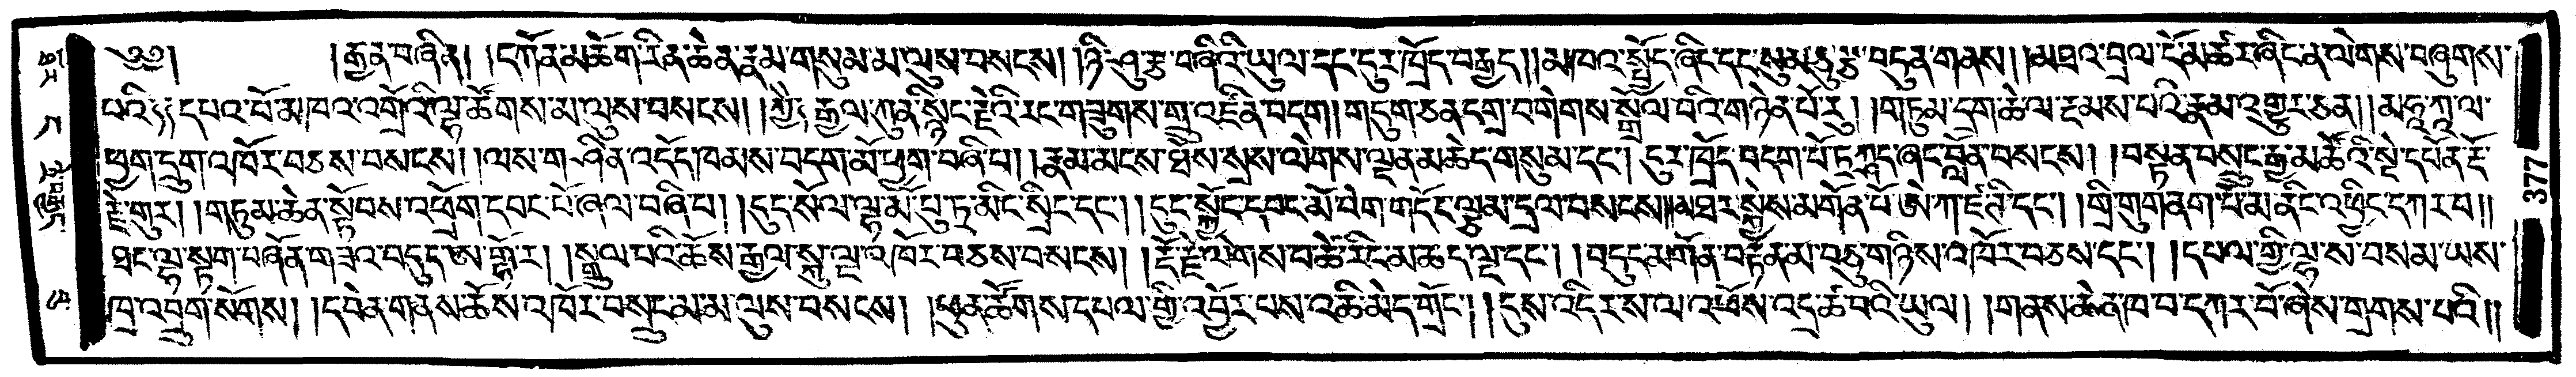༄༅། །རྒྱན་བཞིན། །དཀོན་མཆོག་རིན་ཆེན་རྣམ་གསུམ་མ་ལུས་བསངས། །ཉི་ཤུ་རྩ་བཞིའི་ཡུལ་དང་དུར་ཁྲོད་བརྒྱད། །མཁའ་སྤྱོད་ཞིང་དང་སུམ་ཅུ་རྩ་བདུན་གནས། །མཐའ་བྲལ་དོ་མཚར་ཞིང་ན་ལེགས་བཞུགས་
པའི། །དཔའ་བོ་མཁའ་འགྲོའི་ལྷ་ཚོགས་མ་ལུས་བསངས། །ཀྱཻ། རྒྱལ་ཀུན་སྙིང་རྗེའི་རང་གཟུགས་གྲུ་འཛིན་བདག །གདུག་ཅན་དགྲ་བགེགས་སྒྲོལ་བའི་གཉེན་པོ་རུ། །གཏུམ་དྲག་ཆེ་ལ་རྔམས་པའི་རྣམ་འགྱུར་ཅན། །མཧཱ་ཀཱ་ལ་
ཕྱག་དྲུག་འཁོར་བཅས་བསངས། །ལས་གཤིན་འདོད་ཁམས་བདག་མོ་ཕྱག་བཞི་པ། །རྣམ་མངས་ཐོས་སྲས་ལེགས་ལྡན་མཆེད་གསུམ་དང་། དུར་ཁྲོད་བདག་པོ་ཏྲ་ཀྴད་ཞང་བློན་བསངས། །བསྟན་བསྲུང་རྒྱ་མཚོའི་སྡེ་དཔོན་རྡོ་
རྗེ་གུར། །གཏུམ་ཆེན་སྟོབས་འཕྲོག་དབང་པོ་ཞལ་བཞི་པ། །དུད་སོལ་ལྷ་མོ་པུ་ཏྲ་མིང་སྲིང་དང་། །དུང་སྐྱོང་དབང་མོ་བེག་གདོང་ལྕམ་དྲལ་བསངས། །མཐར་སྐྱེས་མགོན་པོ་ཨེ་ཀ་ཛ་ཊི་དང་། །གྲི་གུག་ནག་པོ་མ་ནིང་འཕྱིང་དཀར་པ། །
ཐང་ལྷ་སྟག་བཞོན་གཟའ་བདུད་ཨ་གྷོ་ར། །སྒྲུལ་པའི་ཆོས་རྒྱལ་སྐུ་ལྔ་འཁོར་བཅས་བསངས། །རྡོ་རྗེ་ལེགས་པ་ཚེ་རིང་མཆད་ལྔ་དང་། །བདུད་མགོན་བརྟན་མ་བཅུ་གཉིས་འཁོར་བཅས་དང་། །དཔལ་གྱི་ལྷ་ས་བསམ་ཡས་
ཁྲ་འབྲུག་སོགས། །དབེན་གནས་ཆོས་འཁོར་བསྲུང་མ་མ་ལུས་བསངས། །ཕུན་ཚོགས་དཔལ་གྱི་འབྱོར་པས་འཆི་མེད་གྲོང་། །དུས་འདིར་ས་ལ་འཕོས་འདྲ་ཚ་བའི་ཡུལ། །གནས་ཆེན་ཁ་བ་དཀར་པོ་ཞེས་གྲགས་པའི། །